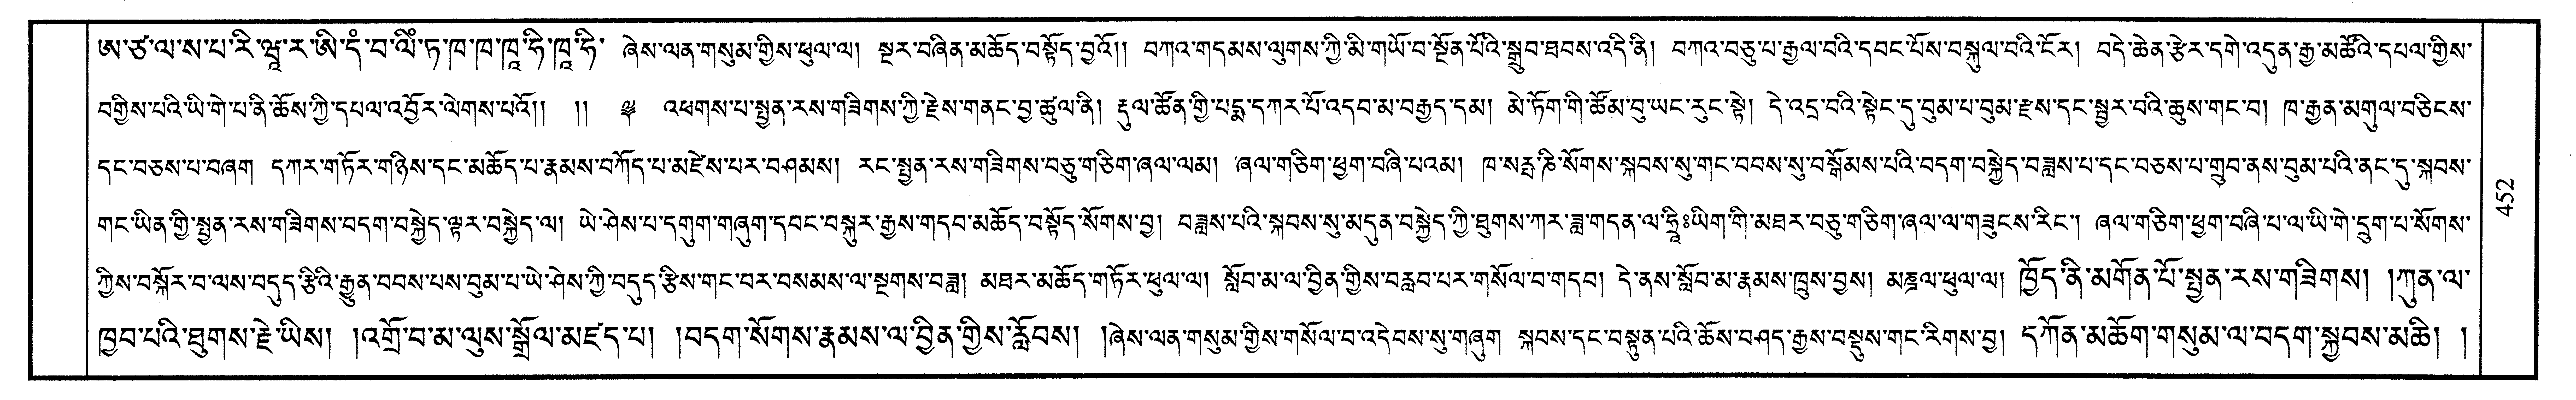ཨ་ཙ་ལ་ས་པ་རི་ཝཱ་ར་ཨི་དཾ་བ་ལིཾ་ཏ་ཁ་ཁ་ཁཱ་ཧི་ཁཱ་ཧི་ཞེས་ལན་གསུམ་གྱིས་ཕུལ་ལ། སྔར་བཞིན་མཆོད་བསྟོད་བྱའོ།། བཀའ་གདམས་ལུགས་ཀྱི་མི་གཡོ་བ་སྔོན་པོའི་སྒྲུབ་ཐབས་འདི་ནི། བཀའ་བཅུ་པ་རྒྱལ་བའི་དབང་པོས་བསྐུལ་བའི་ངོར། བདེ་ཆེན་རྩེར་དགེ་འདུན་རྒྱ་མཚོའི་དཔལ་གྱིས་
བགྱིས་པའི་ཡི་གེ་པ་ནི་ཆོས་ཀྱི་དཔལ་འབྱོར་ལེགས་པའོ།། །། ༈ འཕགས་པ་སྤྱན་རས་གཟིགས་ཀྱི་རྗེས་གནང་བྱ་ཚུལ་ནི། རྡུལ་ཚོན་གྱི་པདམ་དཀར་པོ་འདབ་མ་བརྒྱད་དམ། མེ་ཏོག་གི་ཚོམ་བུ་ཡང་རུང་སྟེ། དེ་འདྲ་བའི་སྟེང་དུ་བུམ་པ་བུམ་རྫས་དང་སྦྱར་བའི་ཆུས་གང་བ། ཁ་རྒྱན་མགུལ་བཅིངས་
དང་བཅས་པ་བཞག་དཀར་གཏོར་གཉིས་དང་མཆོད་པ་རྣམས་བཀོད་པ་མཛེས་པར་བཤམས། རང་སྤྱན་རས་གཟིགས་བཅུ་གཅིག་ཞལ་ལམ། ཞལ་གཅིག་ཕྱག་བཞི་པའམ། ཁ་སརྤ་ཎི་སོགས་སྐབས་སུ་གང་བབས་སུ་བསྒོམས་པའི་བདག་བསྐྱེད་བཟླས་པ་དང་བཅས་པ་གྲུབ་ནས་བུམ་པའི་ནང་དུ་སྐབས་
གང་ཡིན་གྱི་སྤྱན་རས་གཟིགས་བདག་བསྐྱེད་ལྟར་བསྐྱེད་ལ། ཡེ་ཤེས་པ་དགུག་གཞུག་དབང་བསྐུར་རྒྱས་གདབ་མཆོད་བསྟོད་སོགས་བྱ། བཟླས་པའི་སྐབས་སུ་མདུན་བསྐྱེད་ཀྱི་ཐུགས་ཀར་ཟླ་གདན་ལ་ཧྲཱིཿ ཡིག་གི་མཐར་བཅུ་གཅིག་ཞལ་ལ་གཟུངས་རིང་། ཞལ་གཅིག་ཕྱག་བཞི་པ་ལ་ཡི་གེ་དྲུག་པ་སོགས་
ཀྱིས་བསྐོར་བ་ལས་བདུད་རྩིའི་རྒྱུན་བབས་པས་བུམ་པ་ཡེ་ཤེས་ཀྱི་བདུད་རྩིས་གང་བར་བསམས་ལ་སྔགས་བཟླ། མཐར་མཆོད་གཏོར་ཕུལ་ལ། སློབ་མ་ལ་བྱིན་གྱིས་བརླབ་པར་གསོལ་བ་གདབ། དེ་ནས་སློབ་མ་རྣམས་ཁྲུས་བྱས། མཎྜལ་ཕུལ་ལ། ཁྱོད་ནི་མགོན་པོ་སྤྱན་རས་གཟིགས། །ཀུན་ལ་
ཁྱབ་པའི་ཐུགས་རྗེ་ཡིས། །འགྲོ་བ་མ་ལུས་སྒྲོལ་མཛད་པ། །བདག་སོགས་རྣམས་ལ་སྦྱིན་གྱིས་རློབས། །ཞེས་ལན་གསུམ་གྱིས་གསོལ་བ་འདེབས་སུ་གཞུག །སྐབས་དང་བསྟུན་པའི་ཆོས་བཤད་རྒྱས་བསྡུས་གང་རིགས་བྱ། དཀོན་མཆོག་གསུམ་ལ་བདག་སྐྱབས་མཆི། །